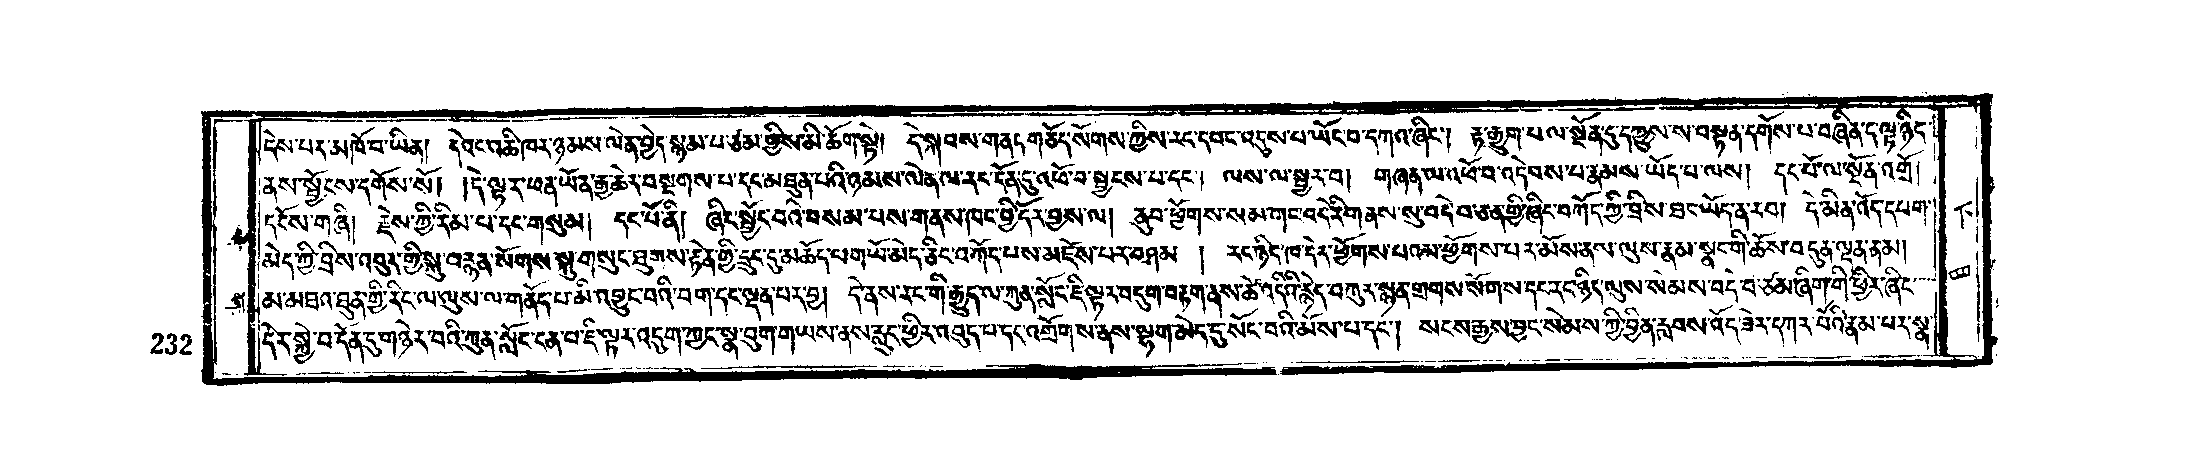དེས་པར་མཁོ་བ་ཡིན། དེའང་འཆི་ཁར་ཉམས་ལེན་བྱེད་སྙམ་པ་ཙམ་གྱིས་མི་ཆོག་སྟེ། དེ་སྐབས་གནད་གཅོད་སོགས་ཀྱིས་རང་དབང་འདུས་པ་ཡོང་བ་དཀའ་ཞིང་། རྟ་རྒྱུག་པ་ལ་སྔོན་དུ་དཀྱུས་ས་བསྟན་དགོས་པ་བཞིན་ད་ལྟ་ཉིད་
ནས་སྦྱོངས་དགོས་སོ། །དེ་ལྟར་ཕན་ཡོན་རྒྱ་ཆེར་བསྔགས་པ་དང་མཐུན་པའི་ཉམས་ལེན་ལ་རང་དོན་དུ་འཕོ་བ་སྦྱངས་པ་དང་། ལས་ལ་སྦྱར་བ། གཞན་ལ་འཕོ་བ་འདེབས་པ་རྣམས་ཡོད་པ་ལས། དང་པོ་ལ་སྔོན་འགྲོ།
དངོས་གཞི། རྗེས་ཀྱི་རིམ་པ་དང་གསུམ། དང་པོ་ནི། ཞིང་སྦྱོང་བའི་བསམ་པས་གནས་ཁང་བྱི་དོར་བྱས་ལ། ནུབ་ཕྱོགས་སམ་གང་བདེ་རིག་གནས་སུ་བདེ་བ་ཅན་གྱི་ཞིང་བཀོད་ཀྱི་བྲིས་ཐང་ཡོད་ན་རབ། དེ་མིན་འོད་དཔག་
མེད་ཀྱི་བྲིས་འབུར་གྱི་སྐུ་བརྙན་སོགས་སྐུ་གསུང་ཐུགས་རྟེན་གྱི་དྲུང་དུ་མཆོད་པ་གཡོ་མེད་ཅིང་བཀོད་པས་མཛེས་པར་བཤམ། རང་ཉིད་ཁ་དེར་ཕྱོགས་པའམ་ཕྱོགས་པར་མོས་ནས་ལུས་རྣམ་སྣང་གི་ཆོས་བདུན་ལྡན་ནམ།
མ་མཐའ་ཐུན་གྱི་རིང་ལ་ལུས་ལ་གནོད་པ་མི་འབྱུང་བའི་བག་དང་ལྡན་པར་བྱ། དེ་ནས་རང་གི་རྒྱུད་ལ་ཀུན་སློང་ཇི་ལྟར་བདུག་བརྟག་ནས་ཚེ་འདིའི་རྙེད་བཀུར་སྙན་གྲགས་སོགས་དང་རང་ཉིད་ལུས་སེམས་བདེ་བ་ཙམ་ཞིག་གི་ཕྱིར་ཞིང་
དེར་སྐྱེ་བ་དོན་དུ་གཉེར་བའི་ཀུན་སློང་ངན་པ་ཇི་ལྟར་འདུག་ཀྱང་སྣ་བུག་གཡས་ནས་རླུང་ཕྱིར་འབུད་པ་དང་འགྲོགས་ནས་ལྷག་མེད་དུ་སོང་བའི་མོས་པ་དང་། སངས་རྒྱས་བྱང་སེམས་ཀྱི་བྱིན་རླབས་འོད་ཟེར་དཀར་པོའི་རྣམ་པར་སྣ་